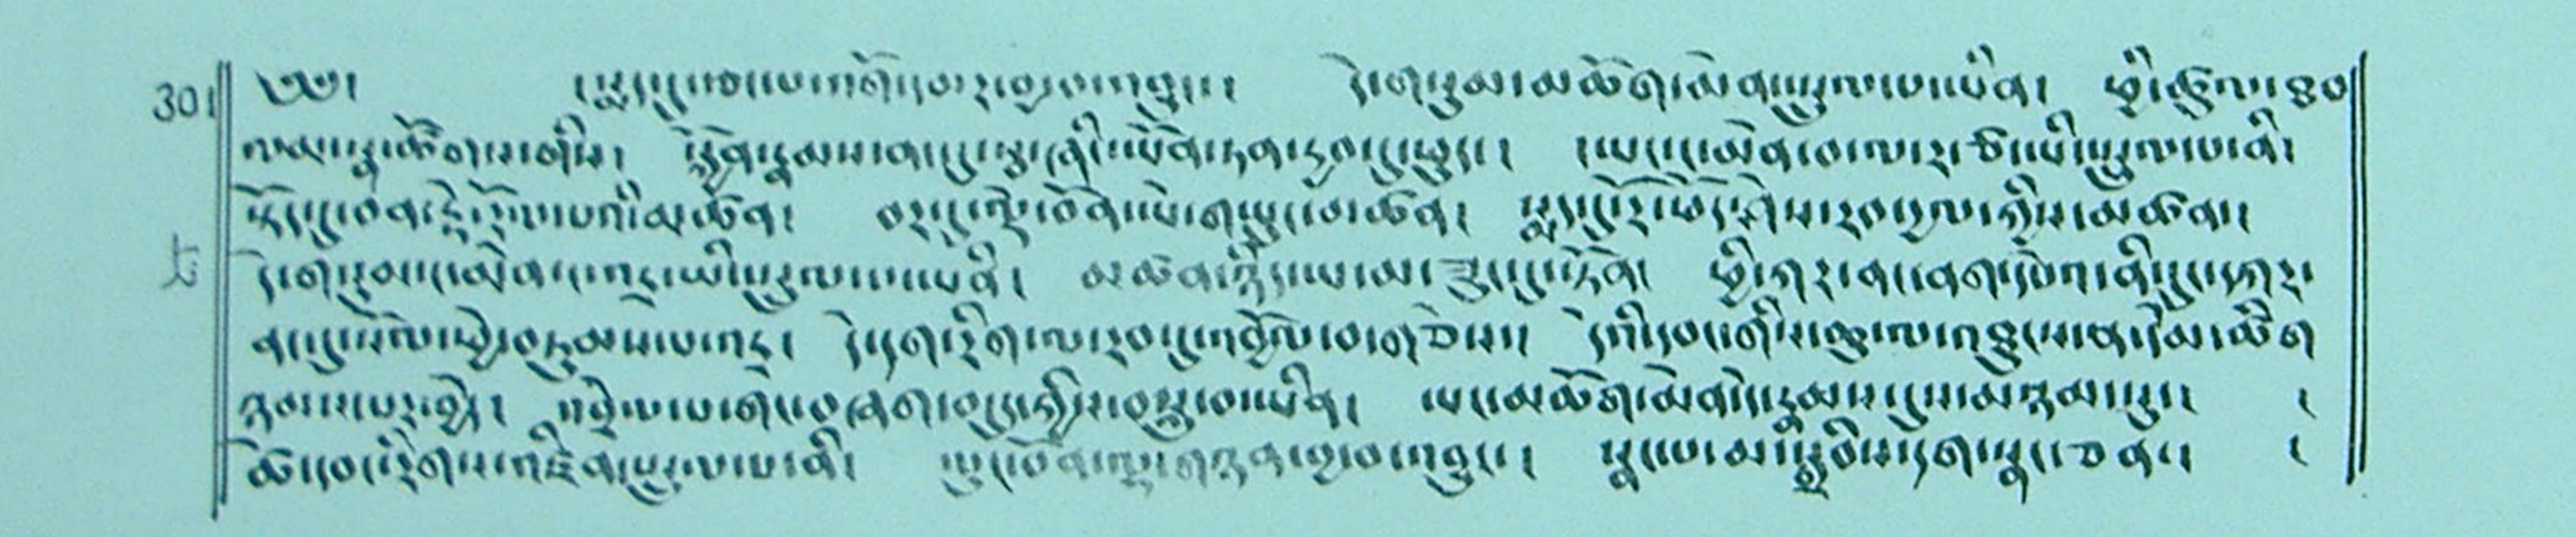༄༅། །སྨད་དུ་རྩང་པ་འགོ་དམར་བྱ་བ་འབྱུང་། དེ་གསུམ་མཆོག་མེན་སྤྲུལ་པ་ནི། ཕྱི་ཚུལ་ཐབས་
ལམ་སྣ་ཚོགས་ཀྱིས། སྐྱོན་རྣམས་ནང་དུ་སྦས་ཞིང་ཡོན་ཏན་རྒྱབ་དུ་ཕུད། ཡང་ང་མིན་བ་ལ་ར་ཙའི་སྤྲུལ་པ་ནི། 
སྟོད་དུ་བན་དྷེ་རོལ་བའི་མཚན། བར་དུ་ལྡེ་བོན་ཡེ་གཡུང་མཚན། སྨད་དུ་རོ་ཕོད་ཤེས་རབ་རྒྱལ་གྱི་མཚན། 
དེ་གསུམ་ང་མིན་ང་འདྲའི་སྤྲུལ་པ་ནི། མཚན་ཉིད་ཡ་མ་ཟུང་དུ་སྟོན། ཕྱི་དཀར་ནང་ནག་དཔེ་ནི་དུང་དཀར་
ནང་དུ་སོལ་ཕྱེ་བཏུམས་པ་འདྲ། དེ་དག་རིགས་ལ་རབ་ཏུ་འབྱོལ་བ་གཅེས། དེའི་དབང་གིས་ཆུ་ལ་འཐུང་ན་དམ་ཚིག་
ཉམས་པར་བྱེད། འབྲེལ་བ་གང་བཞག་བདུད་ཀྱིས་བསླུ་བ་ཡིན། ཡང་མཆོག་མེན་དེ་རྣམས་དུས་མ་ཉམས་སུ། 
ཚེ་དབང་རིགས་འཛིན་སྤྲུལ་པ་ནི། ལུང་བོན་ལྷ་གཉན་བྱ་བ་འབྱུང་། སྣང་བ་མ་བསྒྲིབས་དག་སྣང་ཅན།